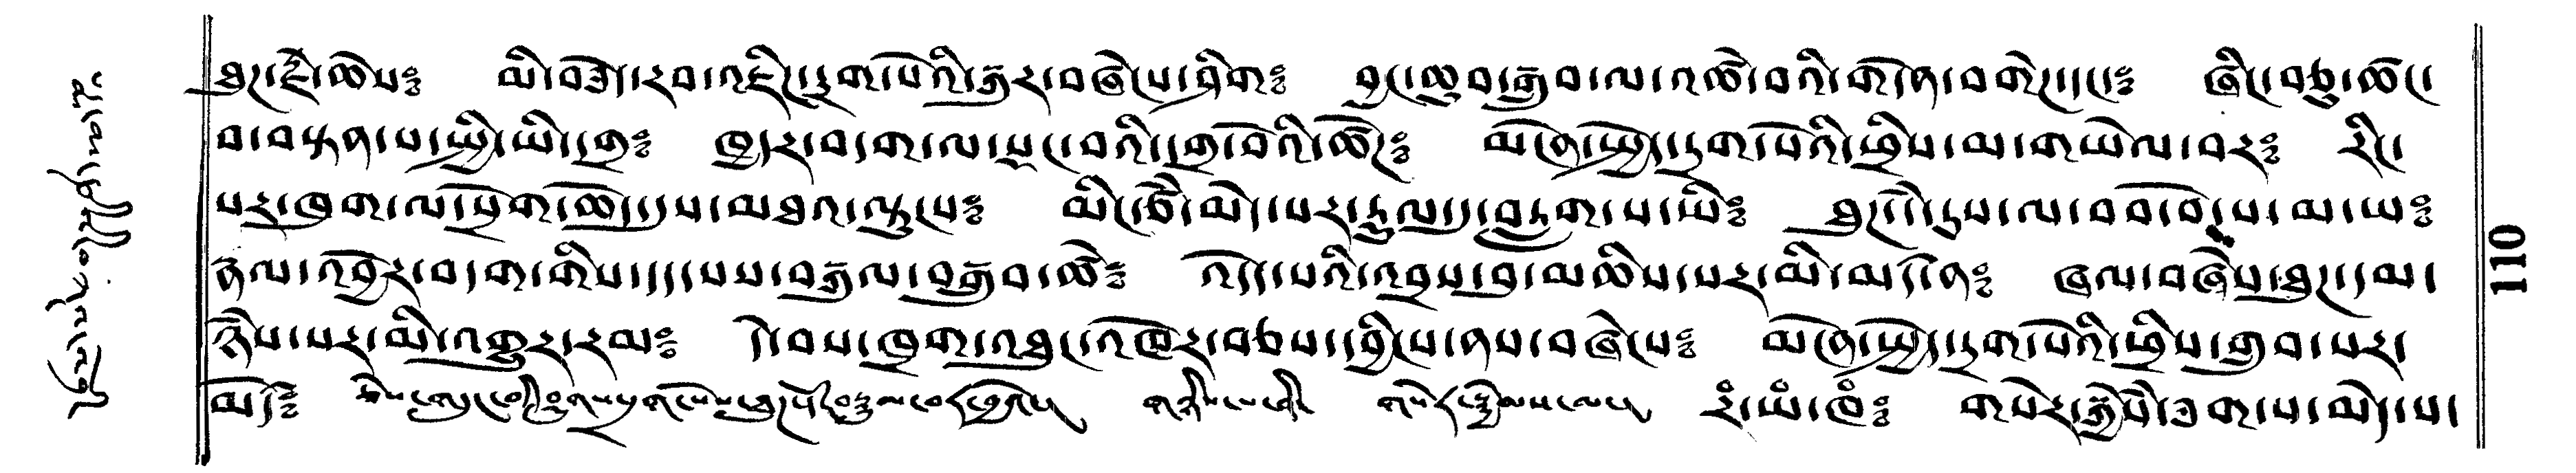ཐུགས་རྗེ་ཆེས༔ མི་བཟོད་རབ་འཇིགས་དྲག་པོའི་སྐུར་བཞེངས་ཤིག༔ བྱང་ཆུབ་སྒྲུབ་ལ་འཚེ་བའི་གདོན་བགེགས་དང༔ ཞིང་བཅུ་ཚང་
བ་བསྟན་པ་སྤྱི་ཡི་དགྲ༔ ཁྱད་པར་བདག་ལ་སྡང་བའི་དགྲ་བོའི་ཚོགས༔ མངོན་སྤྱོད་དྲག་པོའི་ཕྲིན་ལས་མ་གཡེལ་བར༔ རིངས་
པར་ཁུག་ལ་སྲོག་ཆོད་དུས་མཐའ་སྟུངས༔ མིང་ཙམ་མེད་པར་རྡུལ་དུ་བརླག་པ་ཡི༔ ཐུགས་དམ་དུས་ལ་བབ་བོ་ས་མ་ཡ༔ 
རྣལ་འབྱོར་བདག་གི་དད་པས་བསྐུལ་བསྒྲུབ་ཚེ༔ འདོད་པའི་འབྲས་བུ་མཆིས་པར་མི་མཛད་ན༔ ཞལ་བཞེས་ཐུགས་དམ་
ཉམས་པར་མི་འགྱུར་རམ༔ དེ་བས་ཁྲག་འཐུང་འཁོར་བཅས་དབྱིངས་ནས་བཞེངས༔ མངོན་སྤྱོད་དྲག་པོའི་ཕྲིན་ལས་འགྲུབ་པར་
མཛོད༔ ཅེས་གདུང་བའི་ཤུགས་དྲག་པོས་ཐུགས་དམ་བསྐུལ་བར་བྱའོ། གཉིས་པ་ནི། གསེར་སྐྱེམས་ལ། རྃ་ཡྃ་ཁྃ༔ གསེར་སྐྱེམས་ཟག་པ་མེད་པ་